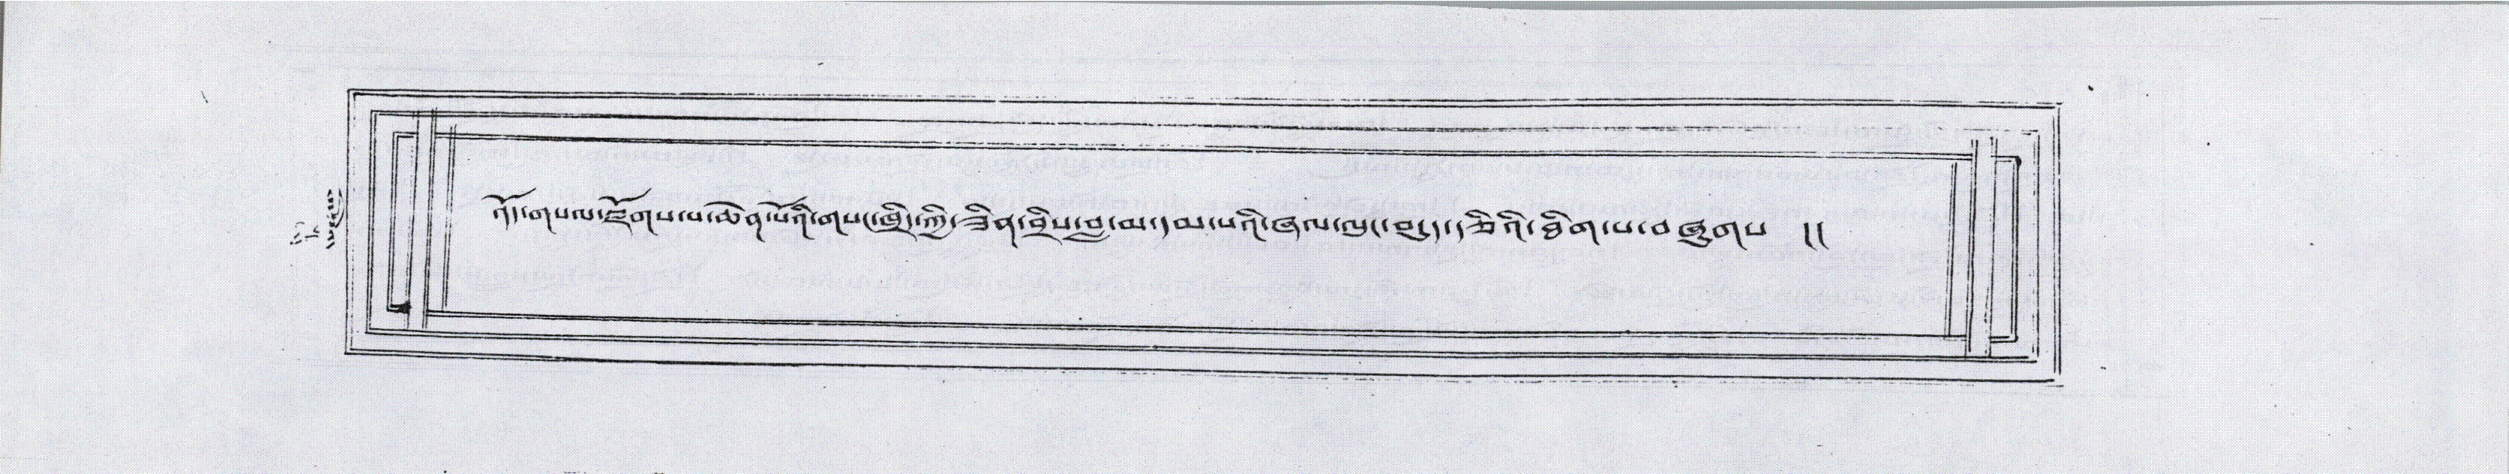འོད་གསལ་རྫོགས་པ་ཆེན་པོའི་གསང་ཁྲིད་ཀྱི་ཟིན་བྲིས་བླ་མ་དམ་པའི་ཞལ་ལུང་བདུད་རྩིའི་ཐིགས་པ་བཞུགས།།